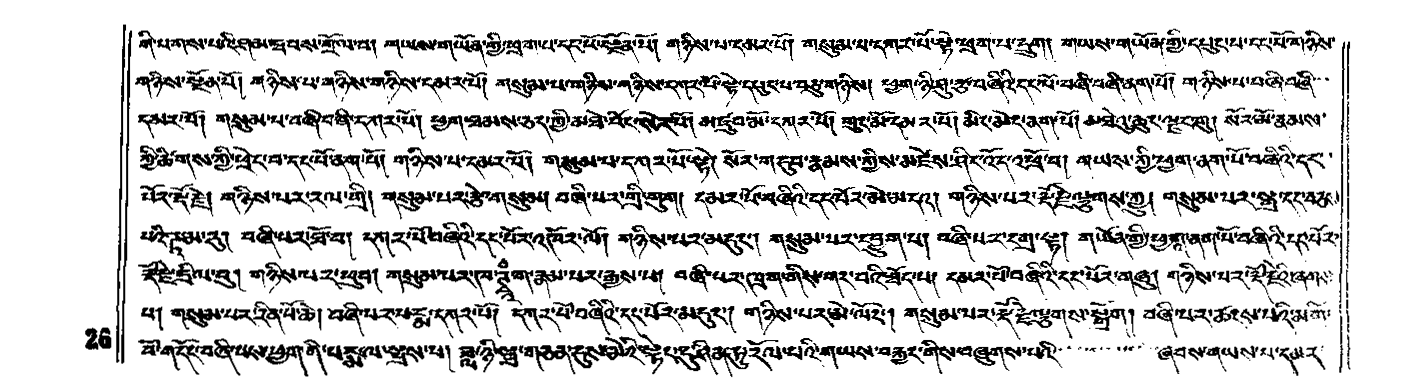གི་པགས་པའི་ཤམ་ཐབས་གྲོལ་བ། གཡས་གཡོན་གྱི་ཕྲག་པ་དང་པོ་སྔོན་པོ། གཉིས་པ་དམར་པོ། གསུམ་པ་དཀར་པོ་སྟེ་ཕྲག་པ་དྲུག། གཡས་གཡོན་གྱི་དཔུང་པ་དང་པོ་གཉིས་
གཉིས་སྔོན་པོ། གཉིས་པ་གཉིས་གཉིས་དམར་པོ། གསུམ་པ་གཉིས་གཉིས་དཀར་པོ་སྟེ་དཔུང་པ་བཅུ་གཉིས། ཕྱག་ཉི་ཤུ་རྩ་བཞིའི་དང་པོ་བཞི་བཞི་ནག་པོ། གཉིས་པ་བཞི་བཞི་
དམར་པོ། གསུམ་པ་བཞི་བཞི་དཀར་པོ། ཕྱག་ཐམས་ཅད་ཀྱི་མཐེ་བོང་སེར་པོ། མཛུབ་མོ་དཀར་པོ། གུང་མོ་དམར་པོ། མིང་མེད་ནག་པོ། མཐེའུ་ཆུང་ལྗང་གུ། སོར་མོ་རྣམས་
ཀྱི་ཚིགས་ཀྱི་ཕྲེང་བ་དང་པོ་ནག་པོ། གཉིས་པ་དམར་པོ། གསུམ་པ་དཀར་པོ་སྟེ། སོར་གདུབ་རྣམས་ཀྱིས་མཛེས་ཤིང་འོད་འཕྲོ་བ། གཡས་ཀྱི་ཕྱག་ནག་པོ་བཞིའི་དང་
པོར་རྡོ་རྗེ། གཉིས་པར་རལ་གྲི། གསུམ་པར་རྩེ་གསུམ། བཞི་པར་གྲི་གུག། དམར་པོ་བཞིའི་དང་བོར་མེ་མདའ། གཉིས་པར་རྡོ་རྗེ་ལྕགས་ཀྱུ། གསུམ་པར་སྒྲ་དང་བཅས་
པའི་ཌཱ་མ་རུ། བཞི་པར་ཐོ་བ། དཀར་པོ་བཞིའི་དང་པོར་འཁོར་ལོ། གཉིས་པར་མདུང་། གསུམ་པར་དབྱུག་པ། བཞི་པར་དགྲ་སྟ། གཡོན་གྱི་ཕྱག་ནག་པོ་བཞིའི་དང་པོར་
རྡོ་རྗེ་དྲིལ་བུ། གཉིས་པར་ཕུབ། གསུམ་པར་ཁ་ཊྭཱཾ་ག་རྣམ་པར་རྒྱས་པ། བཞི་པར་ཁྲག་གིས་གང་བའི་ཐོད་པ། དམར་པོ་བཞིའི་དང་པོར་གཞུ། གཉིས་པར་རྡོ་རྗེའི་ཞགས་
པ། གསུམ་པར་རིན་པོ་ཆེ། བཞི་པར་པདམ་དཀར་པོ། དཀར་པོ་བཞིའི་དང་པོར་མདུང་། གཉིས་པར་མེ་ལོང་། གསུམ་པར་རྡོ་རྗེ་ལྕགས་སྒྲོག། བཞི་པར་ཚངས་པའི་མགོ།
བོ་གདོང་བཞི་པས་ཕྱག་གི་པདམ་ལ་སྤྲས་པ། ཟླ་ཉི་སྒྲ་གཅན་དུས་མེའི་སྟེང་དུ་ཤིན་ཏུ་རོལ་པའི་གཡས་བརྐྱང་གིས་བཞུགས་པའི་ཞབས་གཡས་པ་དམར་